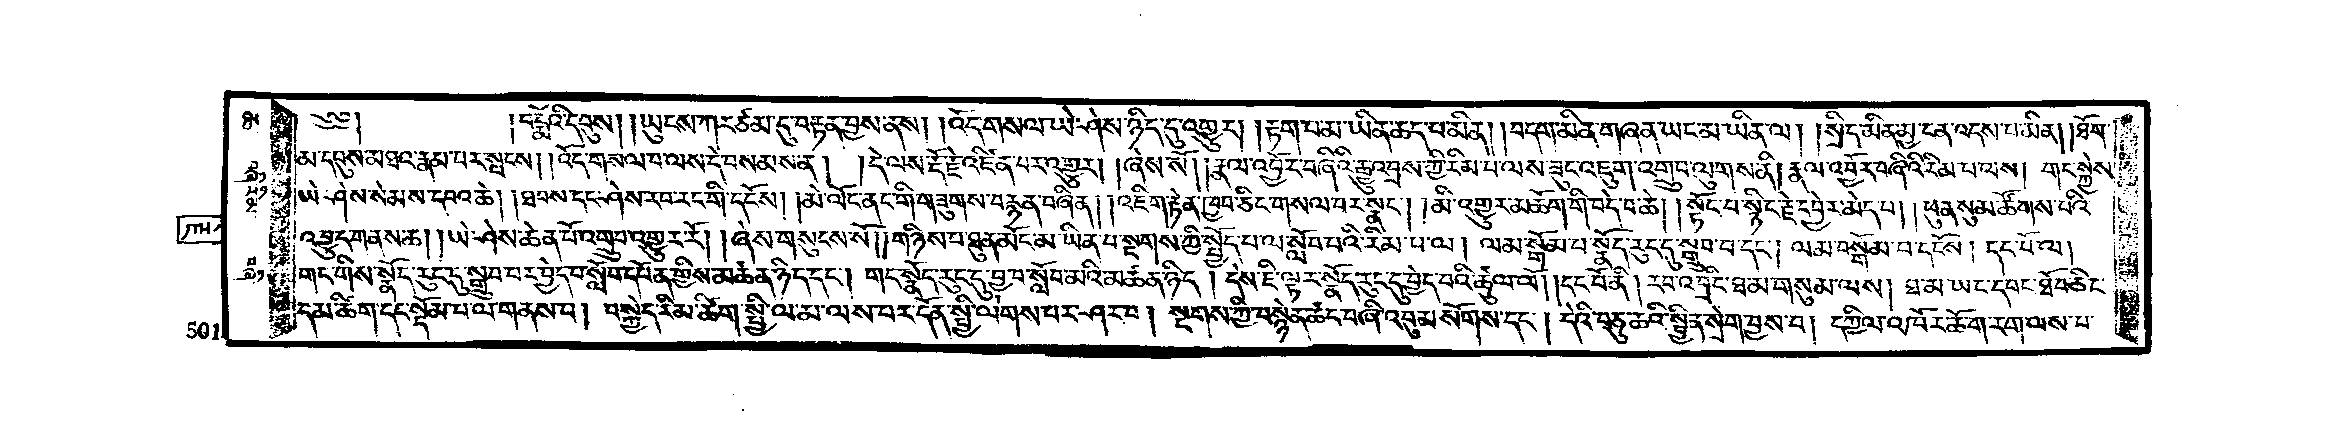༄༅། །པདམོའི་དབུས། །ཡུངས་ཀར་ཙམ་དུ་བརྟན་བྱས་ནས། །འོད་གསལ་ཡེ་ཤེས་ཉིད་དུ་འགྱུར། །རྟག་པ་མ་ཡིན་ཆད་པ་མིན། །བདག་མིན་གཞན་ཡང་མ་ཡིན་ལ། །སྲིད་མིན་མྱ་ངན་འདས་པ་མིན། །ཐོག་
མ་དབུས་མཐའ་རྣམ་པར་སྤངས། །འོད་གསལ་བ་ལས་དེ་བསམས་ན། །དེ་ལས་རྡོ་རྗེ་འཛིན་པར་འགྱུར། །ཞེས་སོ། །རྣལ་འབྱོར་བཞིའི་རྒྱུ་འབྲས་ཀྱི་རིམ་པ་ལས་ཟུང་འཇུག་འགྲུབ་ལུགས་ནི། རྣལ་འབྱོར་བཞིའི་རིམ་པ་ལས། གང་སྐྱེས་
ཡེ་ཤེས་སེམས་དཔའ་ཆེ། །ཐབས་དང་ཤེས་རབ་རང་གི་དངོས། །མེ་ལོང་ནང་གི་གཟུགས་བརྙན་བཞིན། །འཇིག་རྟེན་ཁྱབ་ཅིང་གསལ་བར་སྣང་། །མི་འགྱུར་མཆོག་གི་བདེ་བ་ཆེ། །སྟོང་པ་སྙིང་རྗེ་དབྱེར་མེད་པ། །ཕུན་སུམ་ཚོགས་པའི་
འབྱུང་གནས་ཆ། །ཡེ་ཤེས་ཆེན་པོ་འགྲུབ་འགྱུར་རོ། །ཞེས་གསུངས་སོ། །གཉིས་པ་ཐུན་མོང་མ་ཡིན་པ་སྔགས་ཀྱི་སྤྱོད་པ་ལ་སློབ་པའི་རིམ་པ་ལ། ལམ་སྒོམ་པ་སྣོད་རུང་དུ་སྒྲུབ་པ་དང་། ལམ་བསྒོམ་པ་དངོས། དང་པོ་ལ།
གང་གིས་སྣོད་རུང་དུ་སྒྲུབ་པར་བྱེད་པ་སློབ་དཔོན་གྱིས་མཚན་ཉིད་དང་། གང་སྣོད་རུང་དུ་བྱ་བ་སློབ་མའི་མཚན་ཉིད། དེས་ཇི་ལྟར་སྣོད་རུང་དུ་བྱེད་པའི་ཚུལ་ལོ། །དང་པོ་ནི། རབ་འབྲིང་ཐ་མ་གསུམ་ལས། ཐ་མ་ཡང་དབང་ཐོབ་ཅིང་
དམ་ཚིག་དང་སྡོམ་པ་ལ་གནས་པ། བསྐྱེད་རིམ་ཚིག་སྤྱི་ལ་མ་ལས་པར་དོན་སྤྱི་ལེགས་པར་ཤར་བ། སྔགས་ཀྱི་བསྙེན་ཚད་བཞི་འབུམ་སོགས་དང་། དེའི་བཅུ་ཆའི་སྦྱིན་སྲེག་བྱས་བ། དཀྱིལ་འཁོར་ཆོ་ག་རག་ལས་པ་